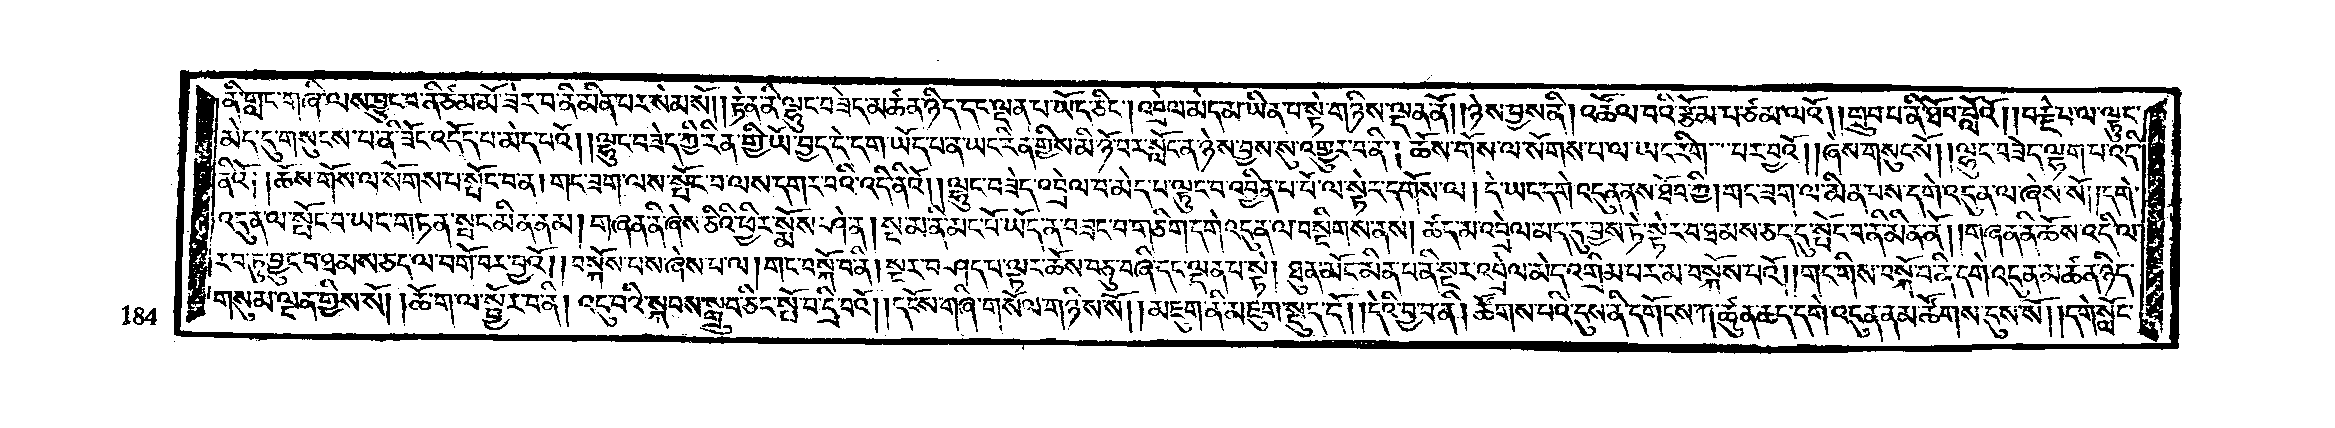ནི་གླང་གཞི་ལས་བྱུང་བ་ནི་ཙམ་མོ་ཟེར་བ་ནི་མིན་པར་སེམས་སོ། །རྟེན་ནི་ལྷུང་བཟེད་མཚན་ཉིད་དང་ལྡན་པ་ཡོད་ཅིང་། འབྲེལ་མེད་མ་ཡིན་པ་སྟེ་གཉིས་ལྡན་ནོ། །ཉེས་བྱས་ནི། འཚོལ་བའི་རྩོམ་པ་ཙམ་ལའོ། །གྲུབ་པ་ནི་ཐོབ་བློའོ། །བརྗེ་བ་ལ་ལྟུང་
མེད་དུ་གསུངས་པ་ནི་ཟོང་འདོད་པ་མེད་པའོ། །ལྷུང་བཟེད་ཀྱི་རིན་གྱི་ཡོ་བྱད་དེ་དག་ཡོད་པ་ན་ཡང་རིན་གྱིས་མི་ཉོ་བར་སློང་ན་ཉེས་བྱས་སུ་འགྱུར་བ་ནི། ཆོས་གོས་ལ་སོགས་པ་ལ་ཡང་རིག་པར་བྱའོ། །ཞེས་གསུངས་སོ། །ལྷུང་བཟད་ལྷག་པ་འདི་
ནིའོ། །ཆོས་གོས་ལ་སོགས་པ་སྤོང་བ་ན། གང་ཟག་ལས་སྤོང་བ་ལས་དགར་བའི་འདི་ནིའོ། །ལྷུང་བཟེད་འབྲེལ་བ་མེད་པ་ལྟུང་བ་འབྱིན་པ་པོ་ལ་སྟེར་དགེས་ལ། དེ་ཡང་དགེ་འདུན་ནས་ཐོབ་ཀྱི། གང་ཟག་ལ་མིན་པས་དགེ་འདུན་ལ་ཞེས་སོ། །དགེ་
འདུན་ལ་སྤོང་བ་ཡང་གཏན་སྤང་མིན་ནམ། གཞན་ནི་ཞེས་ཅིའི་ཕྱིར་སྨོས་ཤེ་ན། སྔ་མ་ནི་མང་པོ་ཡོད་ན་བཟང་བ་གཅིག་དགེ་འདུན་ལ་བསྡིགས་ནས། ཆད་མ་འབྲེལ་མད་དུ་བྱས་ཏེ་སྟེར་བ་ཐམས་ཅད་དུ་སྤོང་བ་ནི་མིན་ནོ། །གཞན་ནི་ཆོས་འདི་ལ་རབ་ཏུ་བྱུང་བ་ཐམས་ཅད་ལ་བགོ་བར་བྱའོ། །བསྐོས་པས་ཞེས་པ་ལ། གང་བསྐོ་བ་ནི། སྔར་བཤད་པ་ལྟར་ཆོས་བཅུ་བཞི་དང་ལྡན་པ་ཨུསྟེ། ཐུན་མོང་མིན་པ་ནི་སྔར་འབྲེལ་མེད་འགྲིམ་པར་མ་བསྐོས་པའོ། །གང་གིས་བསྐོ་བ་ནི་དགེ་འདུན་མཚན་ཉིད་
གསུམ་ལྡན་གྱིས་སོ། །ཆེ་ག་ལ་སྦྱོར་བ་ནི། འདུ་བའི་སྐབས་སྒྲུབ་ཅིང་སྤོ་བ་དྲི་བའོ། །དངོས་གཞི་གསོལ་གཉིས་སོ། །མཇུག་ནི་མཇུག་སྡུད་དོ། །དེའི་བྱ་བ་ནི། ཚོགས་པའི་དུས་ནི་དགོངས་ཀ་ཚུན་ཆད་དགེ་འདུན་ནམ་ཚོགས་དུས་སོ། །དགེ་སློང་